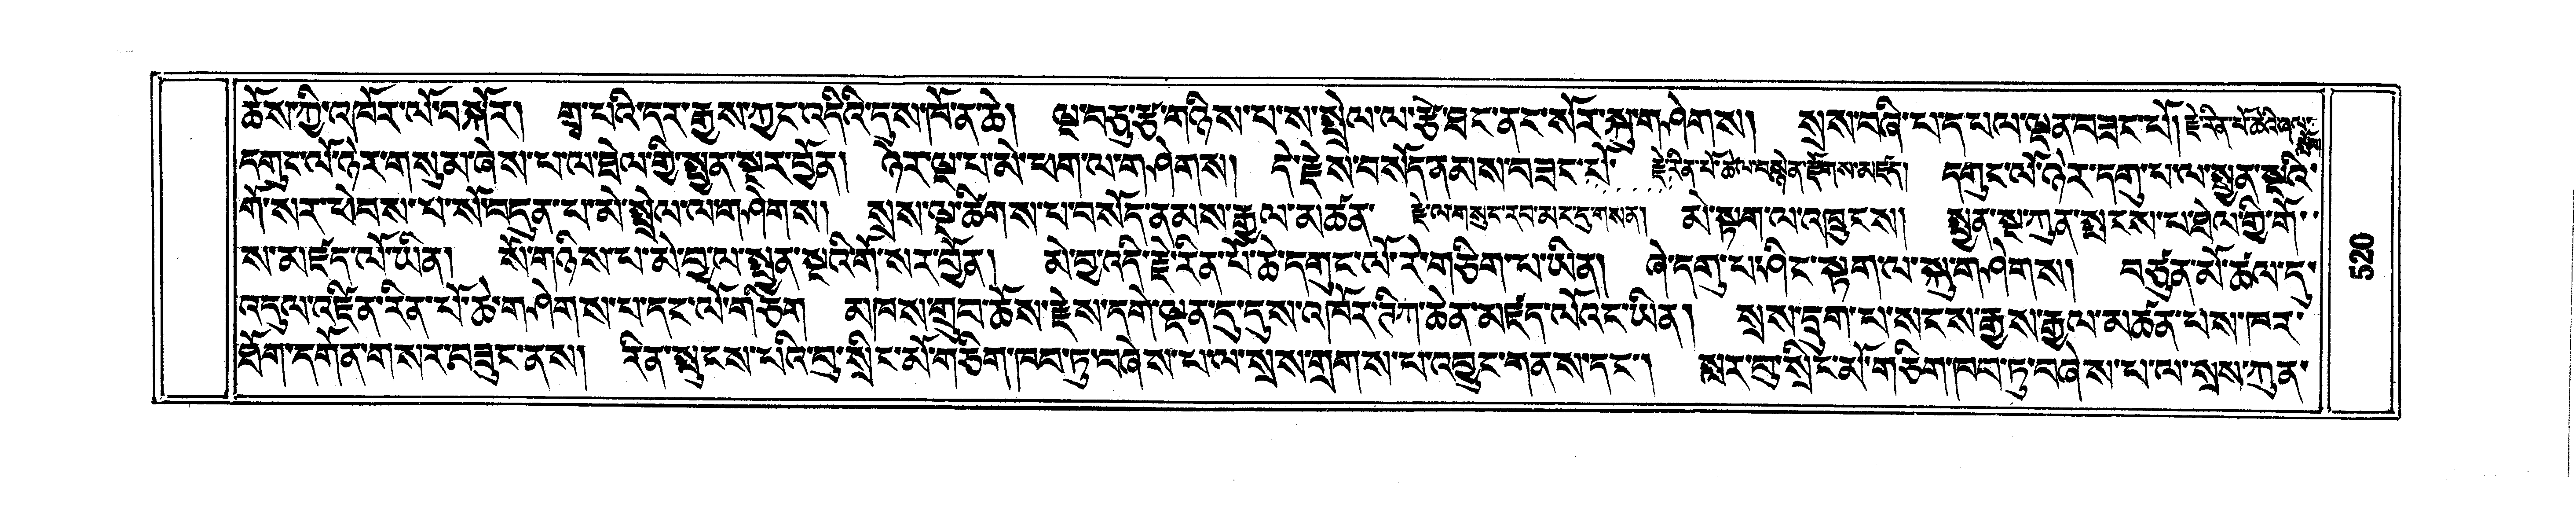ཆོས་ཀྱི་འཁོར་ལོ་བསྐོར། གྲྭ་པའི་དར་རྒྱས་ཀྱང་འདིའི་དུས་ཁོ་ན་ཆེ། ལྔ་བཅུ་རྩ་གཉིས་པ་ས་སྤྲེལ་ལ་རྩེ་ཐང་ནང་སོར་སྐུ་གཤེགས། སྲས་བཞི་པ་དཔལ་ལྡན་བཟང་པོ། རྗེ་རིན་པོ་ཆེའི་ཞལ་སློབ།
དགུང་ལོ་ཉེར་གསུམ་ཞེས་པ་ལ་ཐེལ་གྱི་སྤྱན་སྔར་བྱོན། ཉེར་ལྔ་པ་མེ་ཕག་ལ་གཤེགས། དེ་རྗེས་བསོད་ནམས་བཟང་པོ་རྗེ་རིན་པོ་ཆེ་ལ་བསྙེན་རྫོགས་མཛད།  དགུང་ལོ་ཉེར་དགུ་པ་ལ་སྤྱན་སྔའི་
གོ་སར་ཕེབས་པ་སོ་བདུན་པ་མེ་སྤྲེལ་ལ་གཤེགས། སྲས་ལྔ་ཚིགས་པ་བསོད་ནམས་རྒྱལ་མཚན་རྗེ་ལ་གསུང་རབ་མང་དུ་གསན།  མེ་སྟག་ལ་འཁྲུངས། སྤྱན་སྔ་ཀུན་སྤངས་པ་ཐེལ་གྱི་གོ་
ས་མཛད་ལོ་ཡིན། སོ་གཉིས་པ་མེ་བྱ་ལ་སྤྱན་སྔའི་གོ་སར་བྱོན། མེ་བྱ་འདི་རྗེ་རིན་པོ་ཆེ་དགུང་ལོ་རེ་གཅིག་པ་ཡིན། ཞེ་དགུ་པ་ཤིང་སྟག་ལ་སྐུ་གཤེགས། བཙུན་མོ་ཚལ་དུ་
འདུལ་འཛིན་རིན་པོ་ཆེ་གཤེགས་པ་དང་ལོ་གཅིག །མཁས་གྲུབ་ཆོས་རྗེས་དགེ་ལྡན་དུ་དུས་འཁོར་ཊིཀ་ཆེན་མཛད་ལོའང་ཡིན། སྲས་དྲུག་པ་སངས་རྒྱས་རྒྱལ་མཚན་པས་ཁར་
ཐོག་དགོན་གསར་བཟུང་ནས། རིན་སྤུངས་པའི་བུ་སྲིང་མོ་གཅིག་ཁབ་ཏུ་བཞེས་པ་ལ་སྲས་གྲགས་པ་འབྱུང་གནས་དང་། སླར་བུ་སྲིང་མོ་གཅིག་ཁབ་ཏུ་བཞེས་པ་ལ་སྲས་ཀུན་